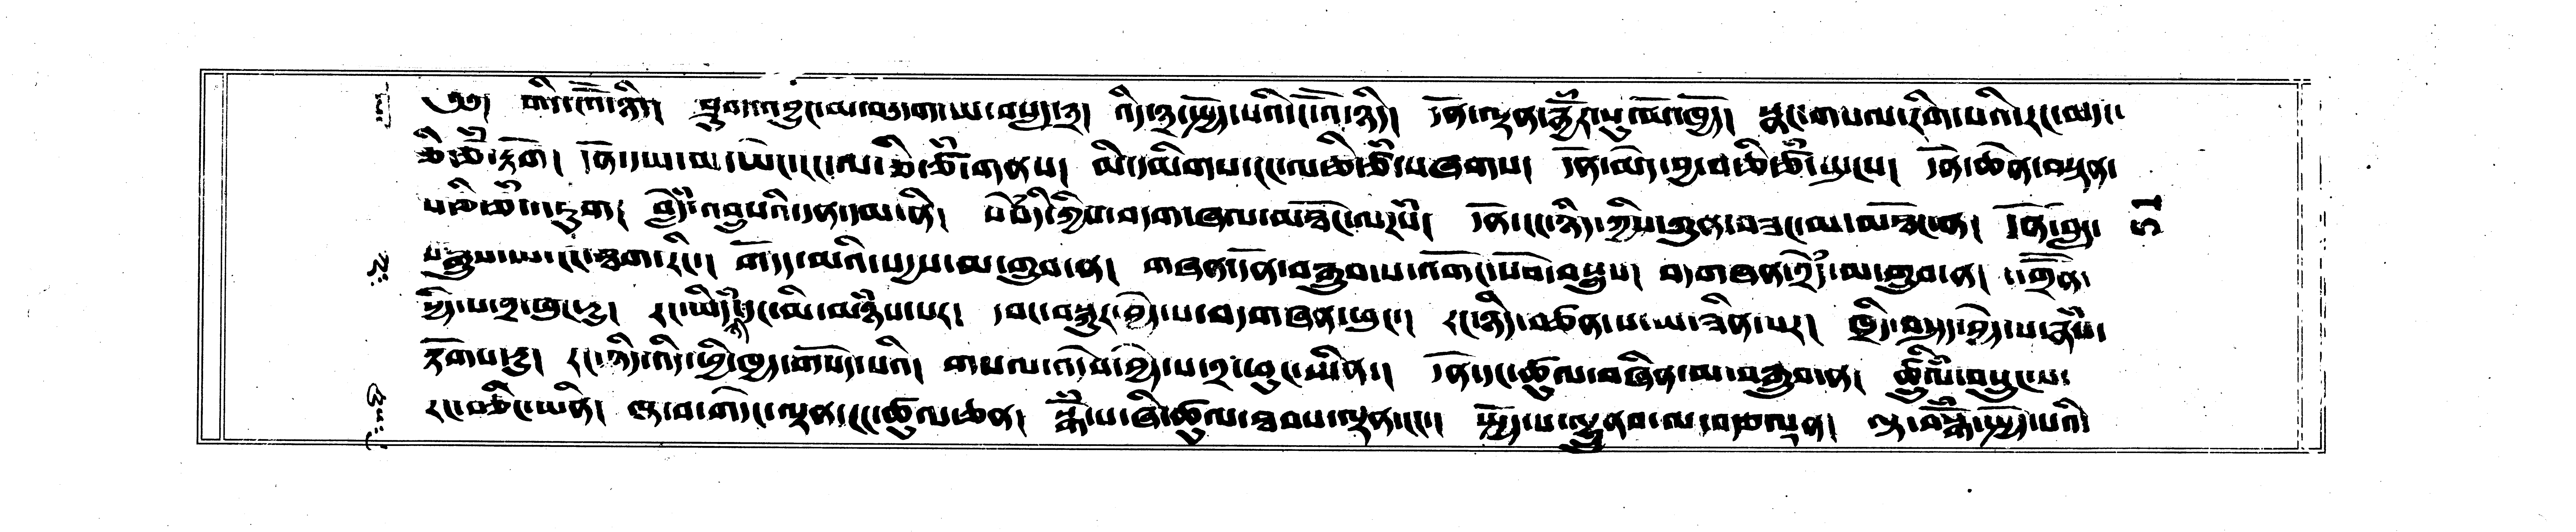པའི་ངོ་བོ་ཉིད། ཤུགས་འབྱུང་མ་བཀག་མ་བསླད་གསུམ། འདི་གསུམ་མ་བཀག་མ་བསླད་གསུམ། འདི་གསུམ་སྤྱོད་པའི་ངོ་བོ་ཉིད། དོན་ལྡན་རྣལ་འབྱོར་བུ་མོ་ཁྱོད། སྣང་གསལ་རིག་པའི་རང་མདངས་
ཅི་ཙམ་རྟོགས། དོན་དམ་མ་ཡེངས་ངང་ལ་ཅི་ཙམ་གནས། མི་དམིགས་ངང་ལ་ཅི་ཙམ་བཞག དོན་མེད་བྱ་བ་ཅི་ཙམ་སྤངས། དོན་ཆེན་བསྟན་
པ་ཅི་ཙམ་འཇུག བླ་མེད་འབྲས་བུའི་དོན་དམ་ནི། སེམས་ཉིད་བདག་ཞལ་མཐོང་ལགས་སམ། དོན་ངང་ཉིད་ཀྱིས་ཀུན་བཟང་མ་མཐོང་ན། དོན་བླ་མེད་
བསྒྲུབ་ལ་ངང་ཐག་རིང་། གདོད་མའི་སངས་རྒྱས་མ་གྲུབ་ན། གཞན་དོན་བསྒྲུབ་པ་འགོང་པོས་བསླུས། བདག་གཞན་གཉིས་མེད་མ་གྲུབ་ན། འགྲོ་དོན་
བྱེད་པ་གཉིས་ཕུང་རྒྱུ། རང་ཡི་དམ་དང་མི་མཉམ་པར། དབང་སྐུར་བྱེད་པ་བདག་གཞན་ཕུང་། རང་ཉིད་བཙན་ས་མ་ཟིན་པར། ཁྲིད་བཤད་བྱེད་པ་རྣམ་
རྟོག་རྒྱུ། རང་ཉིད་འདི་ཕྱི་ཁྱད་གསོད་པའི། གསལ་འདེབས་བྱེད་པ་གཉིས་ཕུང་ཡིན། དོན་དང་ཚུལ་བཞིན་མ་བསྒྲུབ་ན། ཚུལ་ཁྲིམས་བསྲུང་བ་
རང་བཅིང་ཡིན། ལྟ་བ་གདེང་ལྡན་ངང་ཚུལ་ཅན། སྒོམ་པ་ཞི་ཚུལ་ཐབས་ལྡན་ངང་། སྤྱོད་པ་ལྷུན་གྲུབ་མ་བརྩལ་ལྡན། ལྟ་སྒོམ་སྤྱོད་པའི་